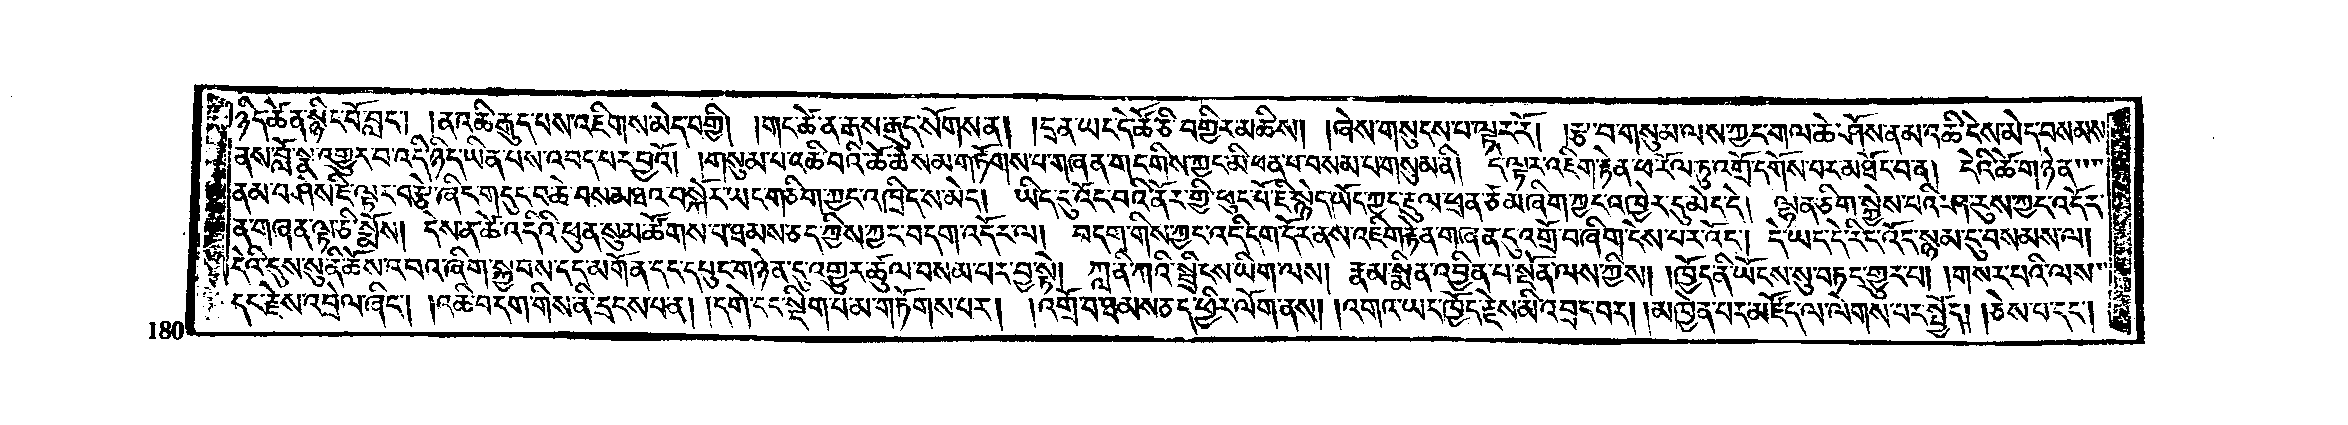ཉིད་ཚེ་ན་སྙིང་བོ་བླང་། །ན་འཆི་རྒུད་པས་འཇིགས་མེད་བགྱི། །གང་ཚེ་ན་རྒས་རྒུད་སོགས་ན། །དྲན་ཡང་དེ་ཚེ་ཅི་བགྱིར་མཆིས། །ཞེས་གསུངས་པ་ལྟར་རོ། །རྩ་བ་གསུམ་ལས་ཀྱང་གལ་ཆེ་ཤོས་ནམ་འཆི་ངེས་མེད་བསམས་
ནས་བློ་སྣ་འགྱུར་བ་འདི་ཉིད་ཡིན་པས་འབད་པར་བྱའོ། །གསུམ་པ་འཆི་བའི་ཚེ་ཆོས་མ་གཏོགས་པ་གཞན་གང་གིས་ཀྱང་མི་ཕན་པ་བསམ་པ་གསུམ་ནི། དེ་ལྟར་འཇིག་རྟེན་ཕ་རོལ་ཏུ་འགྲོ་དགོས་བར་མཐོང་བ་ན། དེའི་ཚེ་གཉེན་
ནམ་བཤེས་ཇི་ལྟར་བརྩེ་ཞིང་གདུང་བ་ཆེ་བས་མཐའ་བསྐོར་ཡང་གཅིག་ཀྱང་འཁྲིད་ས་མེད། ཡིད་དུ་འོང་བའི་ནོར་གྱི་ཕུང་པོ་ཇི་སྙེད་ཡོད་ཀྱང་རྡུལ་ཕྲན་ཙམ་ཞིག་ཀྱང་འཁྱེར་དུ་མེད་དེ། ལྷན་ཅིག་སྐྱེས་པའི་ཤ་རུས་ཀྱང་འདོར་
ན་གཞན་ལྟ་ཅི་སྨོས། དེས་ན་ཚེ་འདིའི་ཕུན་སུམ་ཚོགས་པ་ཐམས་ཅད་ཀྱིས་ཀྱང་བདག་འདོར་ལ། བདག་གིས་ཀྱང་འདི་དག་དོར་ནས་འཇིག་རྟེན་གཞན་དུ་འགྲོ་བ་ཞིག་ངེས་པར་འོང་། དེ་ཡང་དེ་རིང་འོང་སྙམ་དུ་བསམས་ལ།
དེའི་དུས་སུ་ནི་ཆོས་འབའ་ཞིག་སྐྱབས་དང་མགོན་དང་དཔུང་གཉེན་དུ་འགྱུར་ཚུལ་བསམ་པར་བྱ་སྟེ། ཀླ་ནི་ཀའི་སྤྲིངས་ཡིག་ལས། རྣམ་སྨིན་འབྱིན་པ་སྔོན་ལས་ཀྱིས། །ཁྱོད་ནི་ཡོངས་སུ་བཏང་གྱུར་པ། །གསར་པའི་ལས་
དང་རྗེས་འབྲེལ་ཞིང་། །འཆི་བདག་གིས་ནི་དྲངས་པ་ན། །དགེ་དང་སྡིག་པ་མ་གཏོགས་པར། །འགྲོ་བ་ཐམས་ཅད་ཕྱིར་ལོག་ནས། །འགའ་ཡང་ཁྱོད་རྗེས་མི་འབྲང་བར། །མཁྱེན་པར་མཛོད་ལ་ལེགས་པར་སྤྱོད། །ཅེས་བ་དང་།